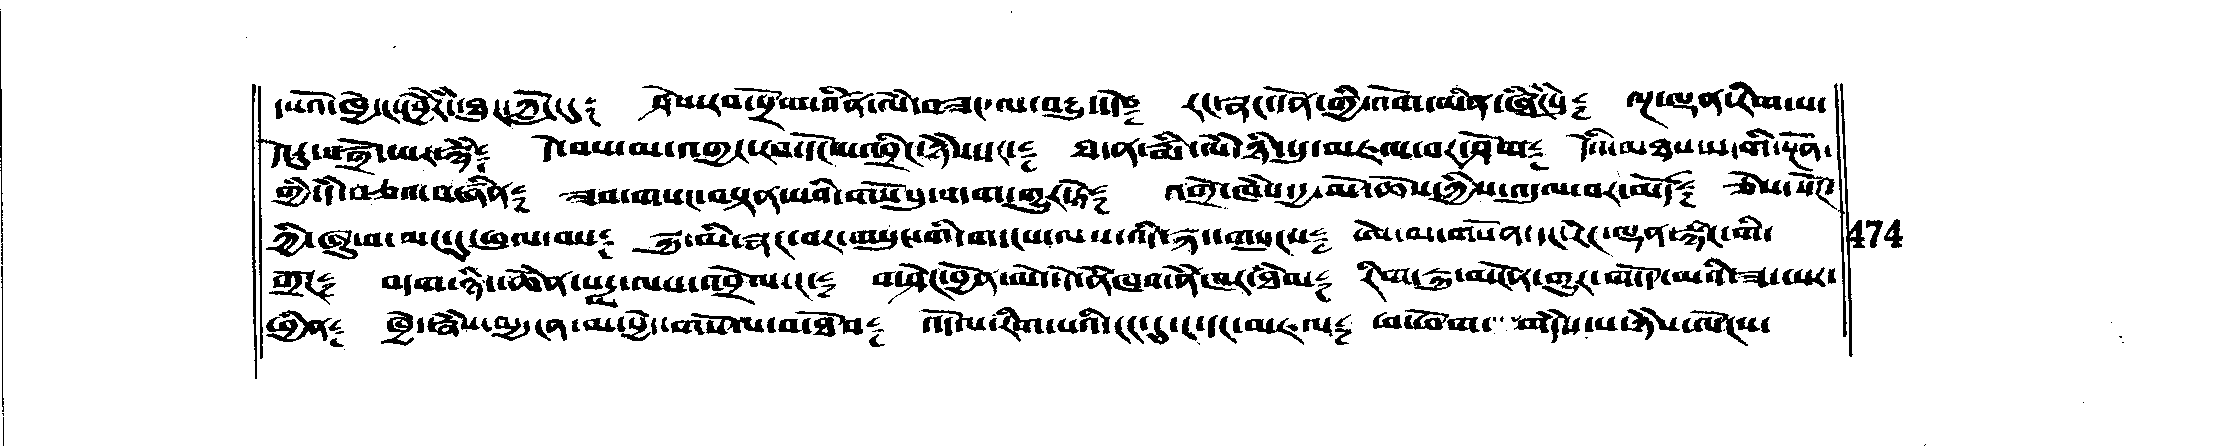།དཔའ་བོ་ཁྱེད་དང་དབྱེར་མེད་ཐུགས་ཀློང་དུ། །ཤེས་རབ་སྲོག་འཛིན་ལམ་བཟང་ལ་བརྒྱུད་དེ། །རང་སྣང་དོན་གྱི་འོག་མིན་ཞིང་ཁམས་སུ། །ལྔ་ལྡན་རིག་པ་
དེ་རུ་བགྲོད་པར་སྙམ། །དེ་བས་མ་འགྱང་རབ་དངོས་འབྲིང་ཉམས་དང་། །ཐ་ན་རྨི་ལམ་ཉིད་དུ་མཇལ་བར་ཤོག །དེའི་མཐུས་བདག་གི་སྔོན་
གྱི་དམ་བཅའ་བཞིན། །ཟབ་གསང་བསྟན་པའི་གསོས་སུ་བདག་གྱུར་ཏེ། །འགྲོ་ཁམས་རྒྱ་མཚོ་ཆོས་ཀྱིས་འདུལ་བར་མཛོད། །ཅེས་སོགས་
ཀྱི་ཞུ་བ་མང་དུ་ཕུལ་བས། སྐུ་མི་སྣང་བར་གསུང་གི་གདངས་ལས་འདི་སྐད་གསུངས། ཨེ་མ་གསོན་དང་རིགས་ལྡན་སྙིང་གི་
གྲོགས། །བདག་ཉིད་ཆེན་པོ་པདྨ་ལས་འབྲེལ་དང་། །གཤེགས་བྱོན་མེད་དེ་ནམ་མཁའ་ནམ་མཁར་ཐིམ། །རིག་སྐུ་མངོན་གྱུར་གདོད་མའི་ཟད་སར་
ཕྱིན། ཁྱེད་རྣམས་མྱ་ངན་མ་བྱེད་གསོལ་བ་ཐོབ། །འོད་གསལ་རིག་པའི་ངང་དུ་ང་དང་མཇལ། །ཕ་ཕོག་གདམས་པ་ཉམས་ལོངས་